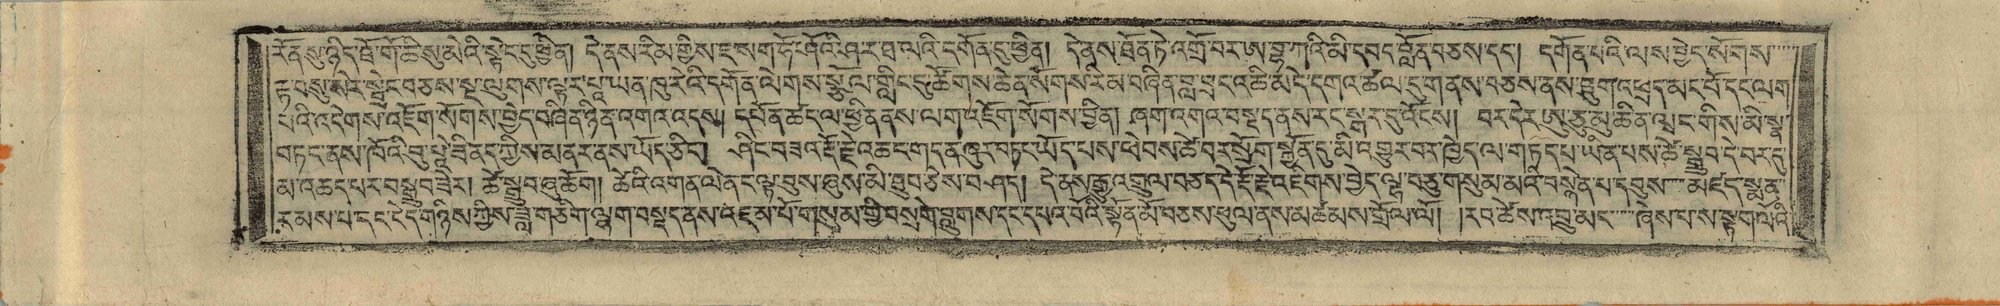རོན་སུ་ཉིད་ཐོ་གོ་ཆི་སུ་མེའི་སྟེང་དུ་ཕྱིན། དེ་ནས་རིམ་གྱིས་ཇ་སག་ཧོ་ཤོའི་ཤ་ར་ཐ་ལའི་དགོན་དུ་ཕྱིན། དེ་ནས་ཐོན་ཏེ་འགྲོ་བར་ཨ་བྷ་ཀའི་མི་དབང་བློན་བཅས་དང་། དགོན་པའི་ལས་བྱེད་སོགས་
རྟ་བསུ་སེར་སྦྲེང་བཅས་སྔ་ལུགས་ལྟར་པཱ་ཡན་ཁུ་རེའི་དགོན་ལེགས་སྩོལ་གླིང་དུ་ཚོགས་ཆེན་སོགས་རིམ་བཞིན་བླ་བྲང་འཆི་མེད་དགའ་ཚལ་དུ་གནས་བཅས་ནས་ཐུག་འཕྲད་མང་པོ་དང་ལག་
པའི་འདེགས་འཇོག་སོགས་བྱེད་བཞིན་ཉིན་འགའ་འདས། དཔོན་ཚང་ལ་ཕྱིན་ནས་ལག་འཇོག་སོགས་བྱིན། ཞག་འགའ་བསྡད་ནས་རང་སྒར་དུ་འོངས། བར་དེར་ཨུ་ཅུ་མུ་ཆིན་ཝང་གིས་མི་སྣ་
བཏང་ནས་ཁོའི་བུ་པE་ཟི་ནད་ཀྱིས་མནར་ནས་ཡོད་ཅིང་། ཤིང་བཟའ་རྡོ་རྗེ་འཆང་གདན་ཞུར་བཏང་ཡོད་པས་ཕེབས་ཚེ་བར་སྲོག་སྐྱོན་དུ་མི་འགྱུར་བར་ཁྱེད་ལ་གཏད་པ་ཡིན་པས་ཚེ་སྒྲུབ་དེ་བར་དུ་
མ་འཆད་པར་བསྒྲུབ་ཟེར། ཚེ་སྒྲུབ་ཞུ་ཆོག །ཚེའི་འགན་ལེན་ང་ལྟ་བུས་ཞུས་མི་ཐུབ་ཅེས་བཤད། དེ་ནས་རྒྱུ་འགྲུལ་བཅད་དེ་རྡོ་རྗེ་འཇིགས་བྱེད་ལྷ་བཅུ་གསུམ་མའི་བསྙེན་པ་དབུས་མཛད་སྨན་
རམས་པ་དང་ངེད་གཉིས་ཀྱིས་ཟླ་གཅིག་ལྷག་བསྡད་ནས་འཇམ་པོ་གསུམ་གྱི་བསྲེག་བླུགས་དང་དཔའ་བོའི་སྟོན་མོ་བཅས་ཕུལ་ནས་མཚམས་གྲོལ་ལོ། །རབ་ཚེས་འབྲུ་མང་ཞེས་པ་ས་སྟག་ལོའི་